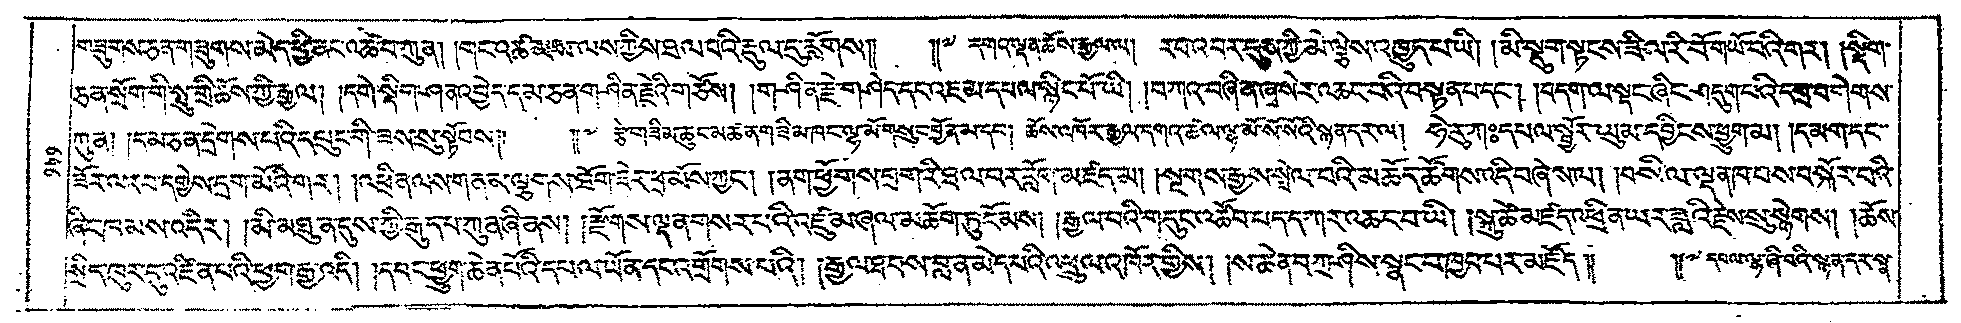གཟུགས་ཅན་གཟུགས་མེད་ཕྱི་ནང་འཚེ་བ་ཀུན། །གང་འཚམས་ལས་ཀྱིས་ཐལ་བའི་རྡུལ་དུ་རློགས།། །། ༧་དགའ་ལྡན་ཆོས་རྒྱལ་ལ།  རབ་འབར་དུས་ཀྱི་མེ་ལྕེས་འཁྱུད་པ་ཡི། །མི་སྡུག་སྟངས་ཟིལ་རི་བོ་གཡོ་བའི་གར། །སྡིག་
ཅན་སྲོག་གི་སྤུ་གྲི་ཆོས་ཀྱི་རྒྱལ། །དགེ་སྡིག་ཤན་འབྱེད་དམ་ཅན་གཤིན་རྗེའི་གཙོས། །གཤིན་རྗེ་གཤེད་དང་འཇམ་དཔལ་སྙིང་པོ་ཡི། །བཀའ་བཞིན་ཞྭ་སེར་འཆང་བའི་བསྟན་པ་དང་། །བདག་ལ་སྡང་ཞིང་གདུག་པའི་དགྲ་བགེགས་
ཀུན། །དམ་ཅན་དྲེགས་པའི་དཔུང་གི་ཟས་སུ་སྟོབས།། །། ༧་རྩེ་གཟིམ་ཆུང་མཚན་གཟིམ་ཁང་ལྷ་མོ་གསུང་བྱོན་མ་དང་། ཆོས་འཁོར་རྒྱལ་དགའ་ཚལ་ལྷ་མོ་སོ་སོའི་སྙན་དར་ལ།  ཧེ་རུ་ཀཿ དཔལ་སྦྱོར་ཡུམ་དབྱིངས་ཕྱུག་མ། །དམག་དང་
ཟོར་ལ་རབ་དགྱེས་དྲག་མོའི་གར། །འཕྲིན་ལས་གནམ་ལྕགས་ཐོག་ཟེར་ཕྲ་མོས་ཀྱང་། །ནག་ཕྱོགས་བྲག་རི་ཐལ་བར་རློག་མཛད་མ། །སྔགས་རྒྱས་སྤེལ་བའི་མཆོད་ཚོགས་འདི་བཞེས་ལ། །བསིལ་ལྡན་ཁ་བས་བསྐོར་བའི་
ཞིང་ཁམས་འདིར། །མི་མཐུན་དུས་ཀྱི་རྒུད་པ་ཀུན་ཞི་ནས། །རྫོགས་ལྡན་གསར་པའི་འཛུམ་ཞལ་མཆོག་ཏུ་ངོམས། །རྒྱལ་བའི་གདུང་འཚོབ་པད་དཀར་འཆང་བ་ཡི། །སྐུ་ཚེ་མཛད་འཕྲིན་ཡར་ཟླའི་རྗེས་སུ་སྙེགས། །ཆོས་
སྲིད་ཁུར་དུ་འཛིན་པའི་ཕྱག་རྒྱ་འདི། །དབང་ཕྱུག་ཆེན་པོའི་དཔལ་ཡོན་དང་འགྲོགས་པའི། །རྒྱལ་ཐབས་བླ་ན་མེད་པའི་འཕྲུལ་འཁོར་གྱིས། །ས་ཆེན་བཀྲ་ཤིས་སྣང་བ་ཁྱབ་པར་མཛོད།། །། ༧་དཔལ་ལྷ་ཞི་བའི་སྙན་དར་སྣ་